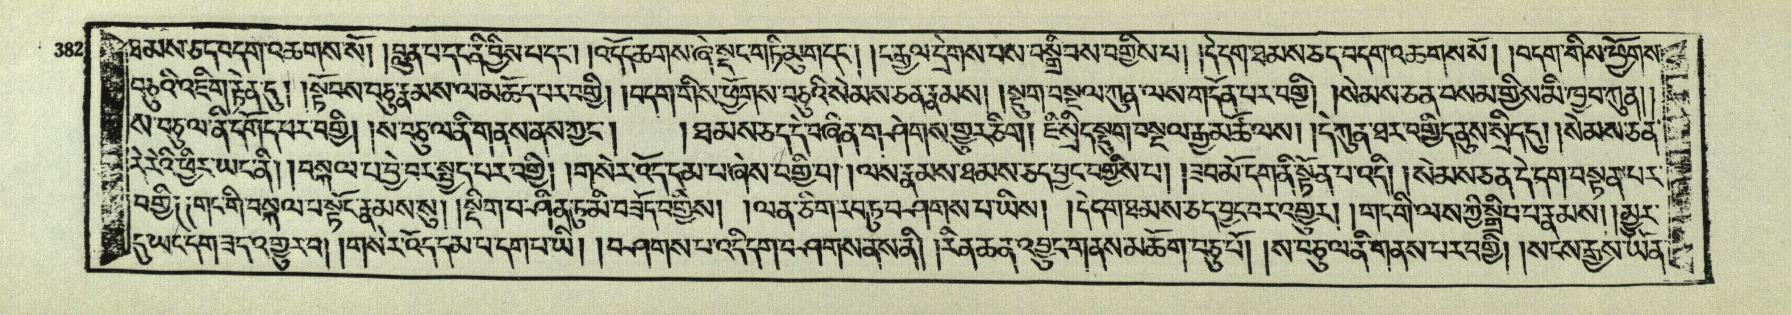ཐམས་ཅད་བདག་འཆགས་སོ། །བླུན་པ་དང་ནི་བྱིས་པ་དང་། །འདོད་ཆགས་ཞེ་སྡང་གཏི་མུག་དང་། །ང་རྒྱལ་དྲེགས་པས་བསྒྲིབས་བགྱིས་པ། །དེ་དག་ཐམས་ཅད་བདག་འཆགས་སོ། །བདག་གིས་ཕྱོགས་
བཅུའི་འཇིག་རྟེན་དུ། །སྟོབས་བཅུ་རྣམས་ལ་མཆོད་པར་བགྱི། །བདག་གིས་ཕྱོགས་བཅུའི་སེམས་ཅན་རྣམས། །སྡུག་བསྔལ་ཀུན་ལས་གདོན་པར་བགྱི། །སེམས་ཅན་བསམ་གྱིས་མི་ཁྱབ་ཀུན། །
ས་བཅུ་ལ་ནི་དགོད་པར་བགྱི། །ས་བཅུ་ལ་ནི་གནས་ནས་ཀྱང་། །ཐམས་ཅད་དེ་བཞིན་གཤེགས་གྱུར་ཅིག །ཇི་སྲིད་སྡུག་བསྔལ་རྒྱ་མཚོ་ལས། །དེ་ཀུན་ཐར་འགྱིད་ནུས་སྲིད་དུ། །སེམས་ཅན་
རེ་རེའི་ཕྱིར་ཡང་ནི། །བསྐལ་པ་བྱེ་བར་སྤྱད་པར་བགྱི། །གསེར་འོད་དམ་པ་ཞེས་བགྱི་བ། །ལས་རྣམས་ཐམས་ཅད་བྱང་བགྱིས་པ། །ཟབ་མོ་དག་ནི་སྟོན་པ་འདི། །སེམས་ཅན་དེ་དག་བསྟན་པར་
བགྱི༑ ༑གང་གི་བསྐལ་པ་སྟོང་རྣམས་སུ། །སྡིག་པ་ཤིན་ཏུ་མི་བཟོད་བགྱིས། །ལན་ཅིག་རབ་ཏུ་བཤགས་པ་ཡིས། །དེ་དག་ཐམས་ཅད་བྱང་བར་འགྱུར། །གང་གི་ལས་ཀྱི་སྒྲིབ་པ་རྣམས། །མྱུར་
དུ་ཡང་དག་ཟད་འགྱུར་བ། །གསེར་འོད་དམ་པ་དག་པ་ཡི། །བཤགས་པ་འདི་དག་བཤགས་ནས་ནི། །རིན་ཆན་འབྱུང་གནས་མཆོག་བཅུ་པོ། །ས་བཅུ་ལ་ནི་གནས་པར་བགྱི། །སངས་རྒྱས་ཡོན་